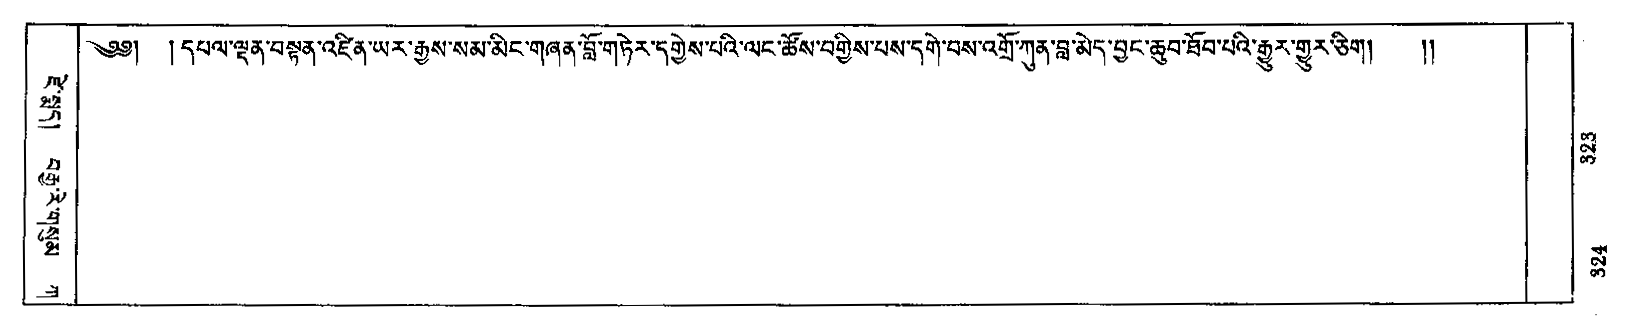༄༅། །དཔལ་ལྡན་བསྟན་འཛིན་ཡར་རྒྱས་སམ་མིང་གཞན་བློ་གཏེར་དགྱེས་པའི་ལང་ཚོས་བགྱིས་པས་དགེ་བས་འགྲོ་ཀུན་བླ་མེད་བྱང་ཆུབ་ཐོབ་པའི་རྒྱུར་གྱུར་ཅིག། །།